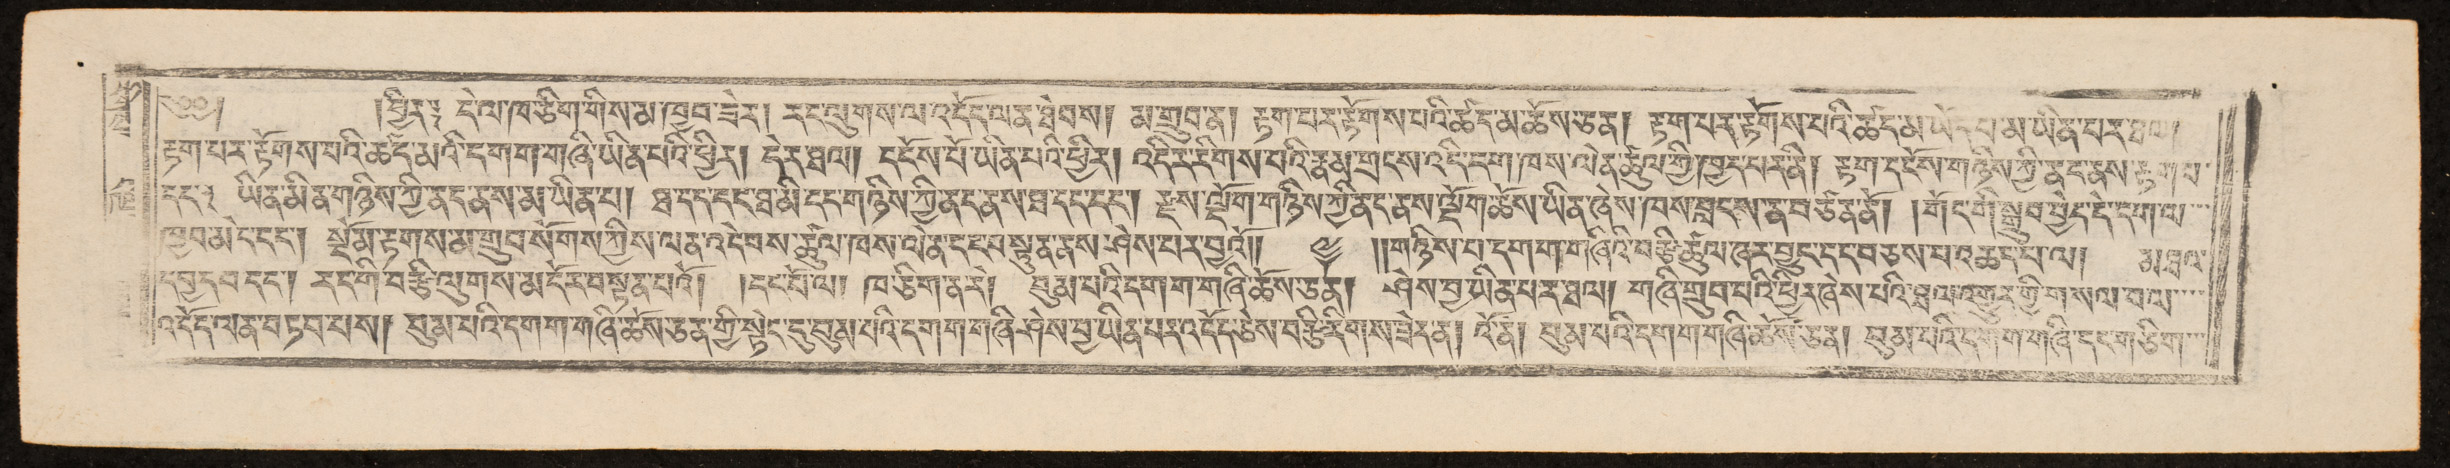༄༅། །ཕྱིར། དེ་ལ་ཁ་ཅིག་གིས་མ་ཁྱབ་ཟེར་ན། རང་ལུགས་ལ་འདོད་ལན་ཐེབས། མ་གྲུབ་ན། རྟག་པར་རྟོགས་པའི་ཚད་མ་ཆོས་ཅན། རྟག་པར་རྟོགས་པའི་ཚད་མ་ཡོད་པ་མ་ཡིན་པར་ཐལ།
རྟག་པར་རྟོགས་པའི་ཚད་མའི་དགག་གཞི་ཡིན་པའི་ཕྱིར། དེར་ཐལ། དངོས་པོ་ཡིན་པའི་ཕྱིར། འདིར་རིགས་པའི་རྣམ་གྲངས་འདི་དག་ཁས་ལེན་ཚུལ་གྱི་ཁྱད་པར་ནི། རྟག་དངོས་གཉིས་ཀྱི་ནང་ནས་རྟག་པ་
དང་། ཡིན་མིན་གཉིས་ཀྱི་ནང་ནས་མ་ཡིན་པ། ཐ་དད་དང་དང་མི་དད་གཉིས་ཀྱི་ནང་ནས་ཐ་དད་དང་། རྫས་ལྡོག་གཉིས་ཀྱི་ནང་ནས་ལྡོག་ཆོས་ཡིན་ཞེས་ཁས་བླངས་ན་བཙན་ནོ། །གོང་གི་སྒྲུབ་བྱེད་དེ་དག་ལ་
ཁྱབ་མེད་དང་། སྡོམ་རྟགས་མ་གྲུབ་སོགས་ཀྱིས་ལན་འདེབས་ཚུལ་ཁས་ལེན་དང་བསྟུན་ནས་ཤེས་པར་བྱའོ། །གཉིས་པ་དགག་གཞིའི་བརྩི་ཚུལ་ཞར་བྱུང་དང་བཅས་པ་འཆད་པ་ལ། མཐའ་
དཔྱད་པ་དང་། རང་གི་བརྩི་ལུགས་མདོར་བསྟན་པའོ། །དང་པོ་ལ། ཁ་ཅིག་ན་རེ། བུམ་པའི་དགག་གཞི་ཆོས་ཅན། ཤེས་བྱ་ཡིན་པར་ཐལ། གཞི་གྲུབ་པའི་ཕྱིར་ཞེས་པའི་ཐལ་འགྱུར་གྱི་གསལ་བ་ལ་
འདོད་ལན་བཏབ་པས། བུམ་པའི་དགག་གཞི་ཆོས་ཅན་གྱི་སྟེང་དུ་བུམ་པའི་དགག་གཞི་ཤེས་བྱ་ཡིན་པར་འདོད་ཅེས་བརྩི་རིགས་ཟེར་ན། འོ་ན། བུམ་པའི་དགག་གཞི་ཆོས་ཅན། བུམ་པའི་དགག་གཞི་དང་གཅིག་